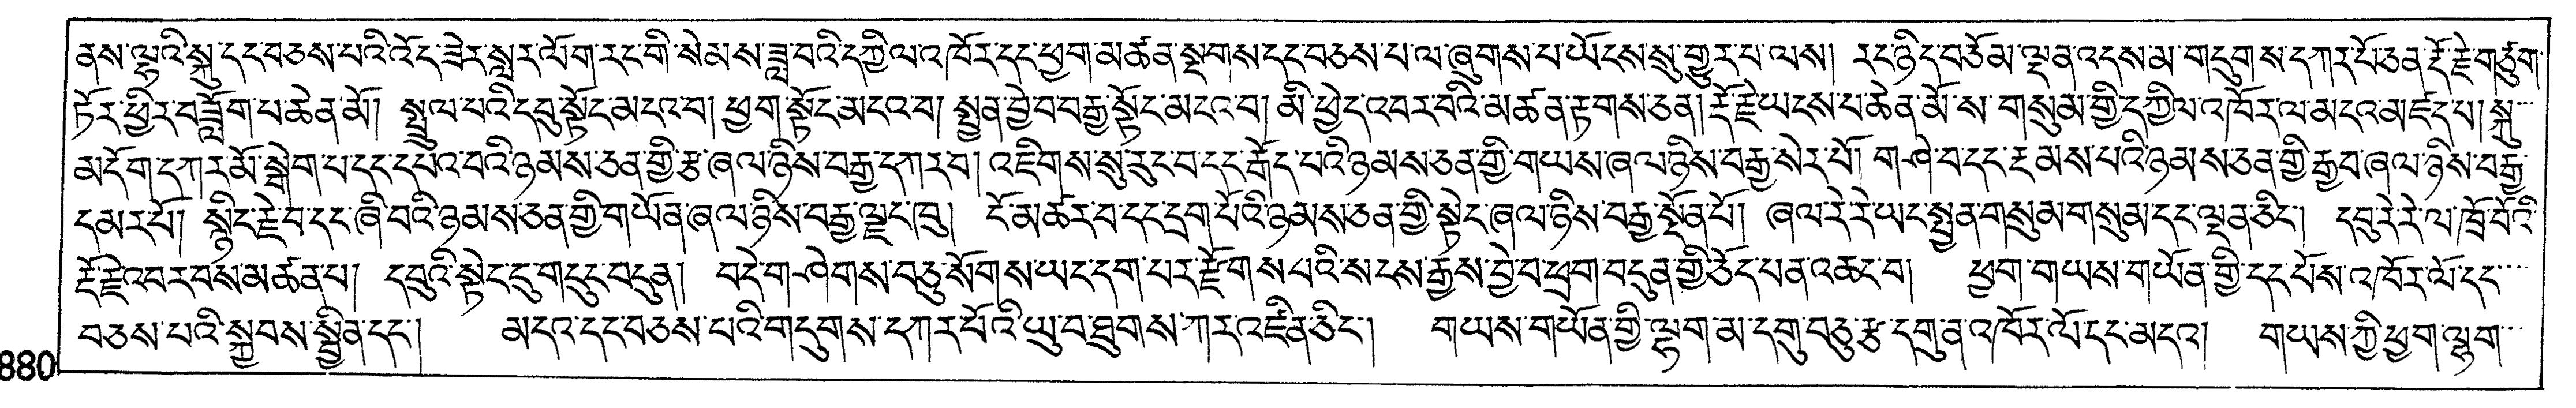ནས་ལྷའི་སྐུ་དང་བཅས་པའི་འོད་ཟེར་སླར་ལོག་རང་གི་སེམས་ཟླ་བའི་དཀྱིལ་འཁོར་དང་ཕྱག་མཚན་སྔགས་དང་བཅས་པ་ལ་ཞུགས་པ་ཡོངས་སུ་གྱུར་པ་ལས། རང་ཉིད་བཅོམ་ལྡན་འདས་མ་གདུགས་དཀར་པོ་ཅན་རྡོ་རྗེ་གཙུག་
ཏོར་ཕྱིར་བཟློག་པ་ཆེན་མོ། སྤྲུལ་པའི་དབུ་སྟོང་མངའ་བ། ཕྱག་སྟོང་མངའ་བ། སྤྱན་བྱེ་བ་བརྒྱ་སྟོང་མངའ་བ། མི་ཕྱེད་འབར་བའི་མཚན་རྟགས་ཅན། རྡོ་རྗེ་ཡངས་པ་ཆེན་མོ་ས་གསུམ་གྱི་དཀྱིལ་འཁོར་ལ་མངའ་མཛད་པ། སྐུ་
མདོག་དཀར་མོ་སྒེག་པ་དང་དཔའ་བའི་ཉམས་ཅན་གྱི་རྩ་ཞལ་ཉིས་བརྒྱ་དཀར་བ། འཇིགས་སུ་རུང་བ་དང་རྒོད་པའི་ཉམས་ཅན་གྱི་གཡས་ཞལ་ཉིས་བརྒྱ་སེར་པོ། གཤེ་བ་དང་རྔམས་པའི་ཉམས་ཅན་གྱི་རྒྱབ་ཞལ་ཉིས་བརྒྱ་
དམར་པོ། སྙིང་རྗེ་བ་དང་ཞི་བའི་ཉམས་ཅན་གྱི་གཡོན་ཞལ་ཉིས་བརྒྱ་ལྗང་ཁུ། ངོ་མཚར་བ་དང་དྲག་པོའི་ཉམས་ཅན་གྱི་སྟེང་ཞལ་ཉིས་བརྒྱ་སྔོན་པོ། ཞལ་རེ་རེ་ཡང་སྤྱན་གསུམ་གསུམ་དང་ལྡན་ཅིང་། དབུ་རེ་རེ་ལ་ཁྲོ་བོའི་
རྡོ་རྗེ་འབར་བས་མཚན་པ། དབུའི་སྟེང་དུ་གདུང་བདུན། བདེ་གཤེགས་བཅུ་སོགས་ཡང་དག་པར་རྫོགས་པའི་སངས་རྒྱས་བྱེ་བ་ཕྲག་བདུན་གྱི་ཅོད་པན་འཆང་བ། ཕྱག་གཡས་གཡོན་གྱི་དང་པོས་འཁོར་ལོ་དང་
བཅས་པའི་སྐྱབས་སྦྱིན་དང་། མདའ་དང་བཅས་པའི་གདུགས་དཀར་པོའི་ཡུ་བ་ཐུགས་ཀར་འཛིན་ཅིང་། གཡས་གཡོན་གྱི་ལྷག་མ་དགུ་བཅུ་རྩ་དགུ་ན་འཁོར་ལོ་དང་མདའ། གཡས་ཀྱི་ཕྱག་ལྷག་